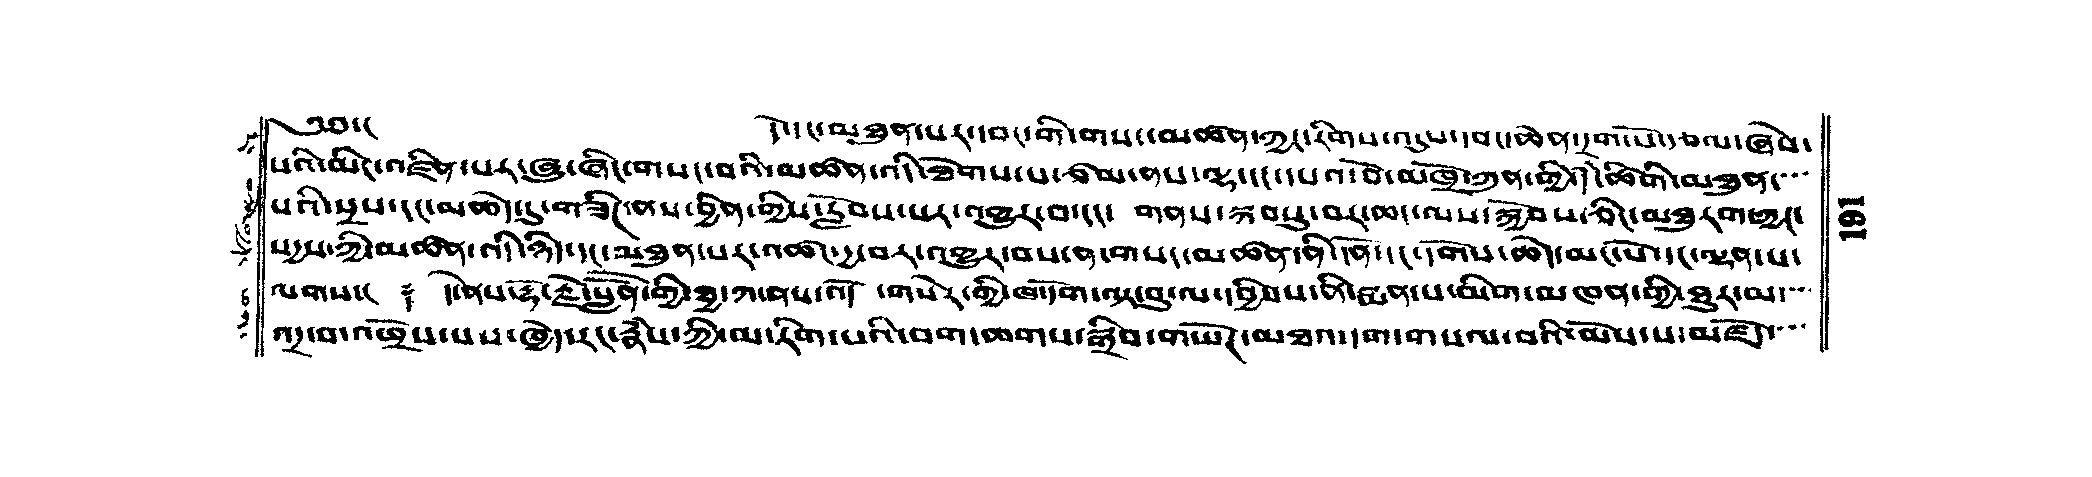དེ་དང་མཐུན་པར་དབང་གི་གསང་མཚན་ཀྱང་རིགས་འདུས་དབང་ཆེན་དྲག་པོ་རྩལ་ཞེས་
པའི་མིང་འཛིན་པར་ཞུ་ཞིང་གསང་བའི་མཚན་འདི་ཐོགས་པ་ཙམ་ནས་ལྷ་དང་དཔའ་བོ་མཁའ་འགྲོ་ཀུན་གྱི་དམ་ཚིག་གི་མཐུན་
པའི་སྲས་དང་མཆེད་དུ་གཟིགས་ནས་བྱིན་གྱིས་རློབས་པར་འགྱུར་བ་དང་། གནས་སྐབས་སུ་བར་ཆད་ལས་སྐྱོབས་ཅིང་མཐུར་རག་ཀྱང་
སངས་རྒྱས་ཀྱི་མཚན་འདི་ཉིད་དང་མཐུན་པར་འཚང་རྒྱ་བར་འགྱུར་བས་ན་གསང་མཚན་ནི་དོན་དང་དགོས་ཆེད་མང་པོ་དང་ལྡན་པ་
ལགས། ༈ དེ་ནས་རྡོ་རྗེ་སློབ་དཔོན་གྱི་ཐུགས་ཀ་ནས་འོད་གསེར་གྱི་ཁ་དོག་ལྟ་བུ་ལ་དབྱིབས་ནི་སྨན་པ་མིག་མཁན་གྱི་ཐུར་མ་
འདྲ་བ་འཕྲོས་པས་ཁྱེད་རང་རྣམས་ཀྱི་མ་རིག་པའི་བག་ཆགས་སྒྲིབ་གཡོགས་མཐའ་དག་གསལ་བའི་མོས་པ་མཛོད་